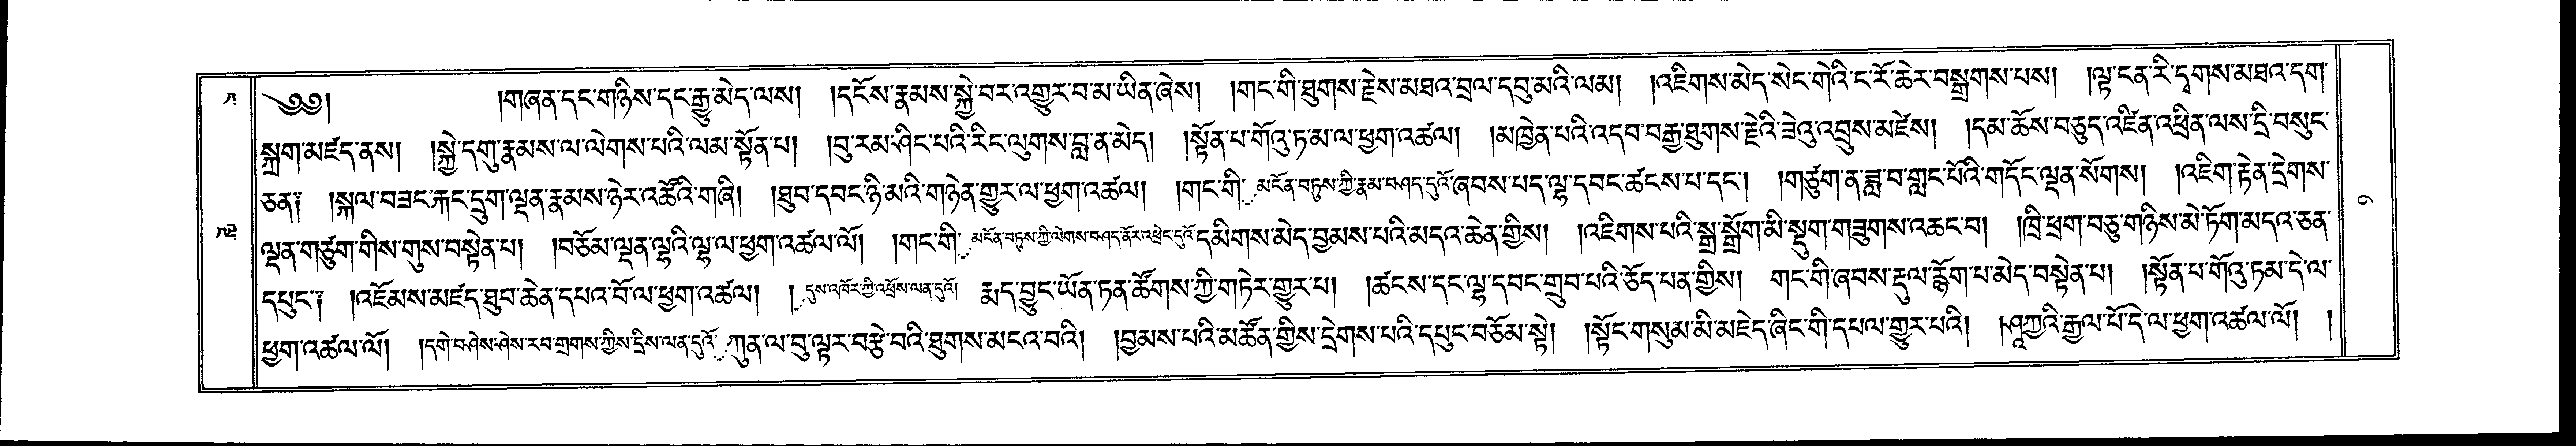༄༅། །གཞན་དང་གཉིས་དང་རྒྱུ་མེད་ལས། །དངོས་རྣམས་སྐྱེ་བར་འགྱུར་བ་མ་ཡིན་ཞེས། །གང་གི་ཐུགས་རྗེས་མཐའ་བྲལ་དབུ་མའི་ལམ། །འཇིགས་མེད་སེང་གེའི་ང་རོ་ཆེར་བསྒྲགས་པས། །ལྟ་ངན་རི་དྭགས་མཐའ་དག་
སྐྲག་མཛད་ནས། །སྐྱེ་དགུ་རྣམས་ལ་ལེགས་པའི་ལམ་སྟོན་པ། །བུ་རམ་ཤིང་པའི་རིང་ལུགས་བླ་ན་མེད། །སྟོན་པ་གོའུ་ཏ་མ་ལ་ཕྱག་འཚལ། །མཁྱེན་པའི་འདབ་བརྒྱ་ཐུགས་རྗེའི་ཟེའུ་འབྲུས་མཛེས། །དམ་ཆོས་བཅུད་འཛིན་འཕྲིན་ལས་དྲི་བསུང་
ཅན། །སྐལ་བཟང་རྐང་དྲུག་ལྡན་རྣམས་ཉེར་འཚོའི་གཞི། །ཐུབ་དབང་ཉི་མའི་གཉེན་གྱུར་ལ་ཕྱག་འཚལ། །གང་གི་མངོན་བཏུས་ཀྱི་རྣམ་བཤད་དུའོ་ཞབས་པད་ལྷ་དབང་ཚངས་པ་དང་། །གཙུག་ན་ཟླ་བ་གླང་པོའི་གདོང་ལྡན་སོགས། །འཇིག་རྟེན་དྲེགས་
ལྡན་གཙུག་གིས་གུས་བསྟེན་པ། །བཅོམ་ལྡན་ལྷའི་ལྷ་ལ་ཕྱག་འཚལ་ལོ། །གང་གི་མངོན་བཏུས་ཀྱི་ལེགས་བཤད་ནོར་འཕྲེང་དུའོ་དམིགས་མེད་བྱམས་པའི་མདའ་ཆེན་གྱིས། །འཇིགས་པའི་སྒྲ་སྒྲོག་མི་སྡུག་གཟུགས་འཆང་བ། །ཁྲི་ཕྲག་བཅུ་གཉིས་མེ་ཏོག་མདའ་ཅན་
དཔུང་། །འཇོམས་མཛད་ཐུབ་ཆེན་དཔའ་བོ་ལ་ཕྱག་འཚལ། །དུས་འཁོར་ཀྱི་འཕྲོས་ལན་དུའོ། །རྨད་བྱུང་ཡོན་ཏན་ཚོགས་ཀྱི་གཏེར་གྱུར་པ། །ཚངས་དང་ལྷ་དབང་གྲུབ་པའི་ཅོད་པན་གྱིས། གང་གི་ཞབས་རྡུལ་རྙོག་པ་མེད་བསྟེན་པ། །སྟོན་པ་གོའུ་ཏམ་དེ་ལ་
ཕྱག་འཚལ་ལོ། །དགེ་བཤེས་ཤེས་རབ་གྲགས་ཀྱིས་དྲིས་ལན་དུའོ་ཀུན་ལ་བུ་ལྟར་བརྩེ་བའི་ཐུགས་མངའ་བའི། །བྱམས་པའི་མཚོན་གྱིས་དྲེགས་པའི་དཔུང་བཅོམ་སྟེ། །སྟོང་གསུམ་མི་མཇེད་ཞིང་གི་དཔལ་གྱུར་པའི། །ཤཱཀྱའི་རྒྱལ་པོ་དེ་ལ་ཕྱག་འཚལ་ལོ། །